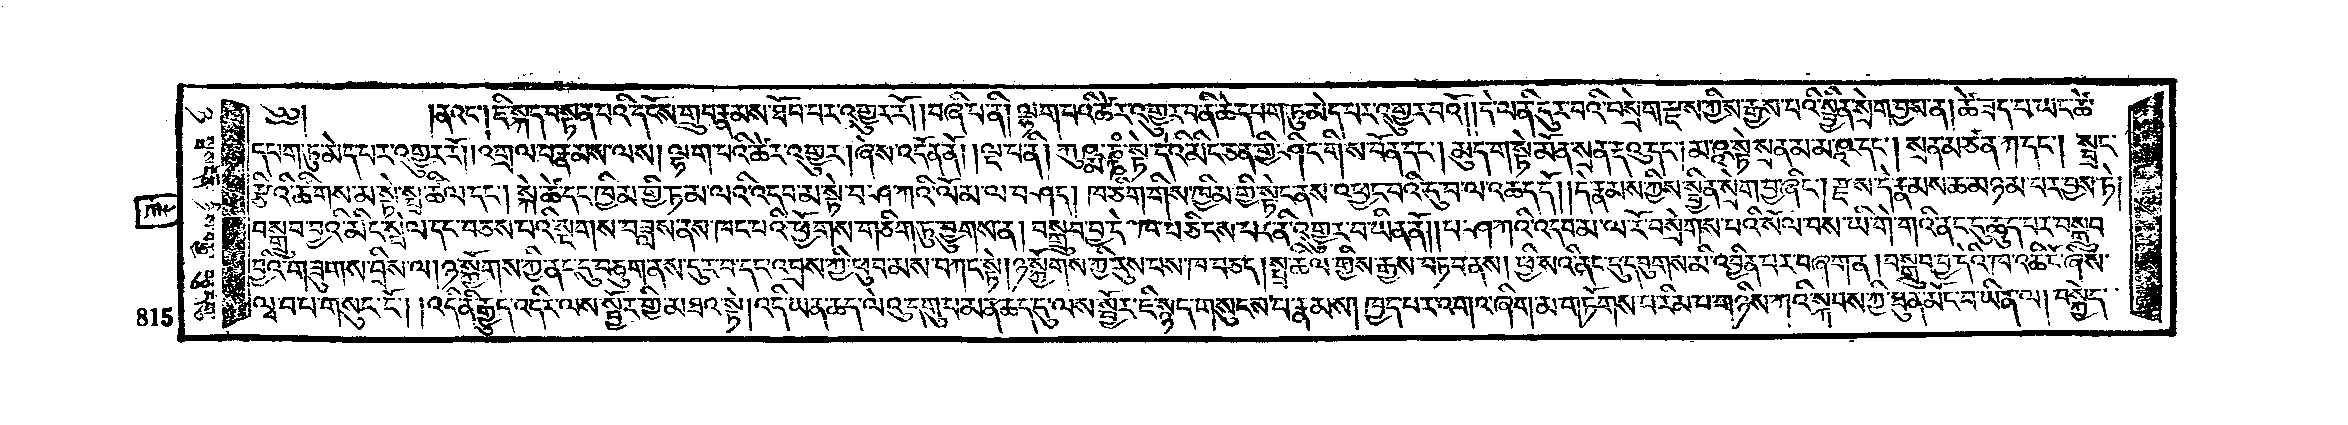༄༅། །ནའང་། ཇི་སྐད་བསྟན་པའི་དངོས་གྲུབ་རྣམས་ཐོབ་པར་འགྱུར་རོ། །བཞི་པ་ནི། ལྷག་པའི་ཚེར་འགྱུར་བ་ནི་ཚེ་དཔག་ཏུ་མེད་པར་འགྱུར་བའོ། །དེ་ལ་ནི་དུར་བའི་བསྲེག་རྫས་ཀྱིས་རྒྱས་པའི་སྦྱིན་སྲེག་བྱས་ན། ཚེ་ཟད་པ་ཡང་ཚེ་
དཔག་ཏུ་མེད་པར་འགྱུར་རོ། །འགྲལ་པ་རྣམས་ལས། ལྷག་པའི་ཚེར་འགྱུར། ཞེས་འདོན་ནོ། །ལྔ་པ་ནི། ཀུཥྨ་ཎྞཾ་སྟེ་དེའི་མིང་ཅན་གྱི་ཤིང་གི་ས་བོན་དང་། མུད་ག་སྟེ་མོན་སྲན་རྡའུ་དང་། མ་ཥཱ་སྟེ་སྲན་མ་མ་ཥཱ་དང་། སྲན་མ་ཙ་ན་ཀ་དང་། སྒྲང་
རྩིའི་ཚིགས་མ་སྟེ་སྤྲ་ཚིལ་དང་། སྐེ་ཚེ་དང་ཁྱིམ་གྱི་ཏ་མ་ལའི་འདབ་མ་སྟེ་བ་ཤ་ཀའི་ལོ་མ་ལ་བཤད། ཁ་ཅིག་གིས་ཁྱིམ་གྱི་སྟེང་ནས་འཕྱང་བའི་དུ་བ་ལ་འཆད་དོ། །དེ་རྣམས་ཀྱིས་སྦྱིན་སྲེག་བྱ་ཞིང་། རྫས་དེ་རྣམས་ཆ་མཉམ་པར་བྱས་ཏེ།
བསྒྲུབ་བྱའི་མིང་སྤེལ་དང་བཅས་པའི་སྔགས་བཟླས་ནས་ཁང་པའི་ཕྱོགས་གཅིག་ཏུ་བྱུགས་ན། བསྒྲུབ་ཡ་དེ་ཁ་པ་ཅིངས་པར་ནི་འགྱུར་བ་ཡིན་ནོ། །པ་ཤ་ཀའི་འདབ་མ་ལ་རོ་བསྲེགས་པའི་སོལ་བས་ཡི་གེ་གའི་ནང་དུ་ཆུད་པར་བསྒྲུབ་
བྱའི་གཟུགས་བྲིས་ལ། ཉ་སྐྱོགས་ཀྱི་ནང་དུ་བཅུག་ནས་ངུར་བ་དང་འབྲས་ཀྱི་ཕུབ་མས་བཀང་སྟེ། ཉ་སྐྱོགས་ཀྱི་རུས་པས་ཁ་བཅད། སྤྲ་ཚིལ་གྱིས་རྒྱས་བཏབ་ནས། ཕྱི་སའི་ནང་དུ་དབུགས་མི་འབྱིན་པར་བཞག་ན། བསྒྲུབ་བྱ་དེའི་ཁ་འཆི་ངོ་ཞེས་
ལྭ་བ་པ་གསུང་ངོ། །འདི་ནི་རྒྱུད་འདིར་ལས་སྦྱོར་གྱི་མཐའ་སྟེ། འདི་ཡན་ཆད་ལེའུ་དགུ་པ་མན་ཆད་དུ་ལས་སྦྱོར་ཇི་སྙེད་གསུངས་པ་རྣམས། ཁྱད་པར་འགའ་ཞིག་མ་གཏོགས་པ་རིམ་པ་གཉིས་ཀའི་སྐབས་ཀྱི་ཐུན་མོང་བ་ཡིན་ལ། བསྐྱེད་